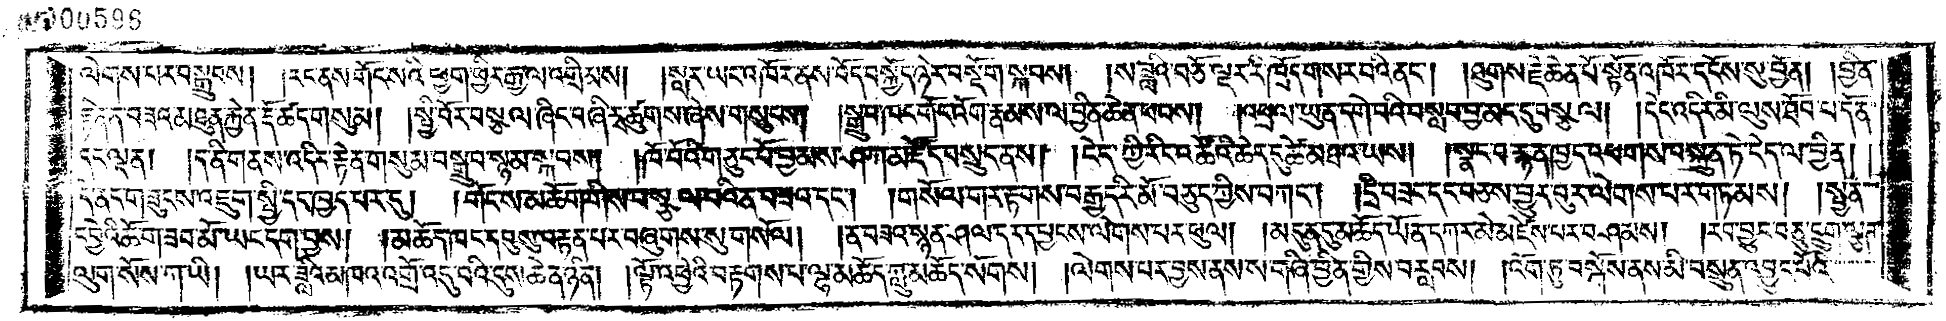ལེགས་པར་བསྒྲུབས། །རང་ནས་གོང་སའི་ཕྱག་ཕྱིར་རྒྱ་ལ་འགྲིམས། །སླར་ཡང་འཁོར་ནས་བོད་བསྐྱོད་ཉེར་བསྔོག་?་སྐབས། །ས་ཟླའི་བཅོ་ལྔར་རི་ཁྲོད་གསར་བའི་ནང་། །ཐུགས་རྗེ་ཆེན་པོ་སྟོན་འཁོར་དངོས་སུ་བྱོན། །བྱིན་
རྟེན་ན་བཟའ་མཐུན་རྐྱེན་རྡོ་ཚད་གསུམ། །སྤྱི་བོར་བསྩལ་ཞིང་བཞི་རྭ་ཚུགས་ཞེས་གསུངས། །སྒྲུབ་ཁང་གོང་འོག་རྣམས་ལ་བྱིན་ཆེན་ཕབས། །འཕྲལ་ཡུན་དགེ་བའི་བསླབ་བྱ་མང་དུ་བསྩལ། །དེང་འདིར་མི་ལུས་ཐོབ་པ་དོན་
དང་ལྡན། །ད་ནི་གནས་འདིར་རྟེན་གསུམ་བསྒྲུབ་སྙམ་སྐབས། །ཁོ་བོའི་གཅུང་པོ་བྱམས་ཤཀ་མཛོད་བསྲུང་ནས། །ངེད་ཀྱི་རིང་འཚོའི་ཆེད་དུ་ཚེ་མཐའ་ཡས། །སྣང་བརྙན་ཁྱད་འཕགས་བསྐྲུན་ཏེ་ངེད་ལ་བྱིན། །
དེ་ནང་གཟུངས་འཇུག་སྤྱི་དང་ཁྱད་པར་དུ། །གོང་ས་མཆོག་གིས་བསྩལ་བའི་ན་བཟའ་དང་། །གསོལ་གར་རྟགས་བརྒྱད་རི་མོ་བཅུད་ཀྱིས་བཀང་། །དྲི་བཟང་དང་བཅས་བྱུར་བུར་ལེགས་པར་གཏམས། །སྤྱན་
དབྱེའི་ཆོ་ག་ཟབ་མོ་ཡང་དག་བྱས། །མཆོད་ཁང་དབུས་སུ་བརྟན་པར་བཞུགས་སུ་གསོལ། །ན་བཟའ་སྙན་ཤལ་དར་དཔྱངས་ལེགས་པར་ཕུལ། །མདུན་དུ་མཆོད་ཡོན་དཀར་མེ་མཛེས་པར་བཤམས། །རབ་བྱུང་བཅུ་དྲུག་ལྕགས་
ལུག་སོས་ཀ་ཡི། །ཡར་ཟླའི་མཁའ་འགྲོ་འདུ་བའི་དུས་ཆེན་ཉིན། །ལྟོ་འཕྱེའི་བརྟགས་པ་ལྷ་མཆོད་ཀླུ་མཆོད་སོགས། །ལེགས་པར་བྱས་ནས་ས་གཞི་བྱིན་གྱིས་བརླབས། །འོག་ཏུ་བསྐོས་ནས་མི་བསྲུན་འབྱུང་པོའི་